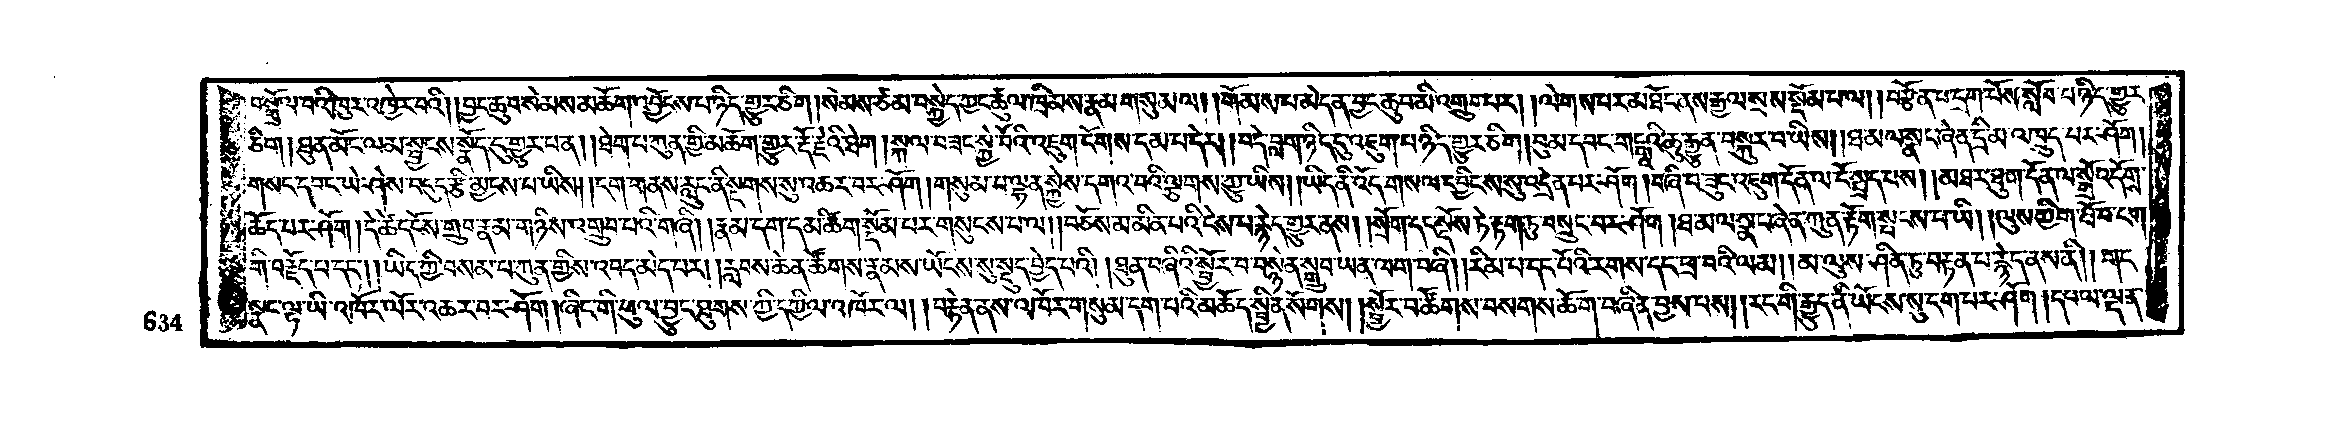བ་སྒྲོལ་བའི་ཁུར་འཁྱེར་བའི། །བྱང་ཆུབ་སེམས་མཆོག་འབྱོངས་པ་ཉིད་གྱུར་ཅིག །སེམས་ཙམ་བསྐྱེད་ཀྱང་ཚུལ་ཁྲིམས་རྣམ་གསུམ་ལ། །གོམས་པ་མེད་ན་བྱང་ཆུབ་མི་འགྲུབ་པར། །ལེགས་པར་མཐོང་ནས་རྒྱལ་སྲས་སྡོམ་པ་ལ། །བརྩོན་པ་དྲག་པོས་སློབ་པ་ཉིད་གྱུར་
ཅིག །ཐུན་མོང་ལམ་སྦྱངས་སྣོད་དུ་གྱུར་པ་ན། །ཐེག་པ་ཀུན་གྱི་མཆོག་གྱུར་རྡོ་རྗེའི་ཐེག །སྐལ་བཟང་སྐྱེ་བོའི་འཇུག་ངོགས་དམ་པ་དེར། །བདེ་བླག་ཉིད་དུ་འཇུག་པ་ཉིད་གྱུར་ཅིག །བུམ་དབང་གངྒཱའི་ཆུ་རྒྱུན་བསྐུར་བ་ཡིས། །ཐ་མལ་སྣང་ཞེན་དྲི་མ་འཁྲུད་པར་ཤོག །
གསང་དབང་ཡེ་ཤེས་བདུད་རྩི་མྱངས་པ་ཡིས། །ངག་གནས་རླུང་ནི་སྔགས་སུ་འཆར་བར་ཤོག །གསུམ་པ་ལྷན་སྐྱེས་དགའ་བའི་ལྕགས་ཀྱུ་ཡིས། །ཡིད་ནི་འོད་གསལ་དབྱིངས་སུ་འདྲེན་པར་ཤོག །བཞི་པ་ཟུང་འཇུག་དོན་ལ་ངོ་སྤྲད་པས། །མཐར་ཐུག་དོན་ལ་སྒྲོ་འདོགས་
ཆོད་པར་ཤོག །དེ་ཚེ་དངོས་གྲུབ་རྣམ་གཉིས་འགྲུབ་པའི་གཞི། །རྣམ་དག་དམ་ཚིག་སྡོམ་པར་གསུངས་པ་ལ། །བཅོས་མ་མིན་པའི་ངེས་པ་རྙེད་གྱུར་ནས། །སྲོག་དང་སྡོས་ཏེ་རྟག་ཏུ་བསྲུང་བར་ཤོག །ཐ་མལ་སྣང་ཞེན་ཀུན་རྟོག་སྤངས་པ་ཡི། །ལུས་ཀྱི་གཡོ་བ་ངག་
གི་བརྗོད་པ་དང་། །ཡིད་ཀྱི་བསམ་པ་ཀུན་གྱིས་འབད་མེད་པར། །རླབས་ཆེན་ཚོགས་རྣམས་ཡོངས་སུ་སྡུད་བྱེད་པའི། །ཐུན་བཞིའི་སྦྱོར་བ་བསྙེན་སྒྲུབ་ཡན་ལག་བཞི། །རིམ་པ་དང་པོའི་རགས་དང་ཕྲ་བའི་ལམ། །མ་ལུས་ཤིན་ཏུ་བརྟན་པ་རྙེད་ནས་ནི། །གང་
སྣང་ལྷ་ཡི་འཁོར་ལོར་འཆར་བར་ཤོག །ཞིང་གི་ཕུལ་བྱུང་ཐུགས་ཀྱི་དཀྱིལ་འཁོར་ལ། །བརྟེན་ནས་འཁོར་གསུམ་དག་པའི་མཆོད་སྦྱིན་སོགས། །སྦྱོར་བ་ཚོགས་བསགས་ཆོག་བཞིན་བྱས་པས། །རང་གི་རྒྱུད་ནི་ཡོངས་སུ་དག་པར་ཤོག །དཔལ་ལྡན་